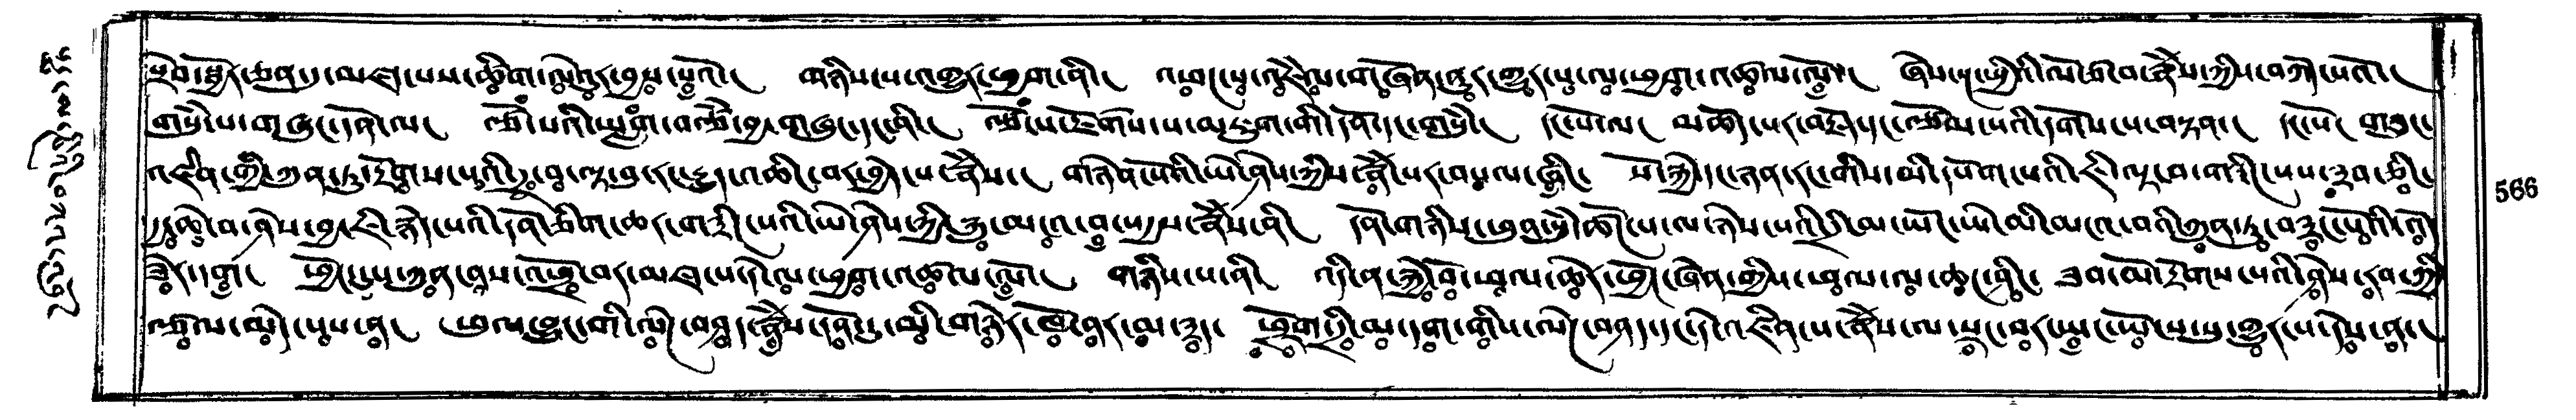སྡེབ་སྦྱོར་ཅན་དུ་མཛད་པས་ཚིག་ལེའུར་བྱས་པའོ།། གཉིས་པ་འགྱུར་ཕྱག་ནི། འཕགས་པ་འཇམ་དཔལ་གཞོན་ནུར་གྱུར་པ་ལ་ཕྱག་འཚལ་ལོ།།ཞེས་སྔ་ཕྱིའི་ལོ་ཙ་བ་རྣམས་ཀྱིས་བཀོད་པའོ།། 
གསུམ་པ་གཞུང་དོན་ལ། རྩོམ་པའི་ཡན་ལག་བརྩམ་བྱ་གཞུང་དང་ནི། །རྩོམ་པར་རྫོགས་པ་མཇུག་གི་དོན་དང་གསུམ། །དང་པོ་ལ། མཆོད་པར་བརྗོད་དང་རྩོམ་པའི་དགོས་པ་བསྟན། །དང་པོ། གཟུང་
འཛིན་གྱི་ཀུན་ཏུ་རྟོག་པའི་དྲ་བ་ལྟ་བུ་རང་རྒྱུད་འཆིང་བར་བྱེད་པ་རྣམས། གཉེན་པོའི་ཡེ་ཤེས་ཀྱིས་རྣམ་པར་བསལ་ཞིང་། སོ་སྐྱེ་དང་ཉན་རང་གིས་མི་དཔོག་པའི་ཇི་ལྟ་བ་གཟིགས་པས་ཟབ་ཅིང་། 
རྒྱ་ཆེ་བ་ཤེས་བྱ་ཇི་སྙེད་པའི་དོན་ཅིག་ཆར་གཟིགས་པའི་ཡེ་ཤེས་ཀྱི་སྐུ་མངའ་བ་སངས་རྒྱས་རྣམས་ནི། དོན་གཉིས་ཕུན་སུམ་ཚོགས་པ་ལ་ཉེས་པའི་དྲི་མ་ཡོང་ཡེ་མི་མངའ་བའི་ཀུན་ཏུ་བཟང་པོའི་འོད་
ཟེར་དག ཕྱོགས་དུས་ཀུན་ནས་འཕྲོ་བར་མཛད་པ་དེ་ལ་ཕྱག་འཚལ་ལོ།། གཉིས་པ་ནི། འདི་ན་སྐྱེ་བོ་ཕལ་ཆེར་ཕྱོགས་ཞེན་གྱིས་ཕལ་ལ་ཆགས་ཤིང་། ཟབ་མོ་རྟོགས་པའི་ཤེས་རབ་ཀྱི་
རྩལ་མེད་པས་ན། ཕུལ་བྱུང་གི་ལེགས་བཤད་རྣམས་དོན་དུ་མི་གཉེར་བ་ཁོ་ནར་མ་ཟད། ཕྲག་དོག་དྲི་མ་དག་གིས་ལེགས་བཤད་དང་དེ་འཛིན་པ་རྣམས་ལ་སྡང་བར་ཡང་ཡོངས་སུ་གྱུར་པ་དེས་ན།